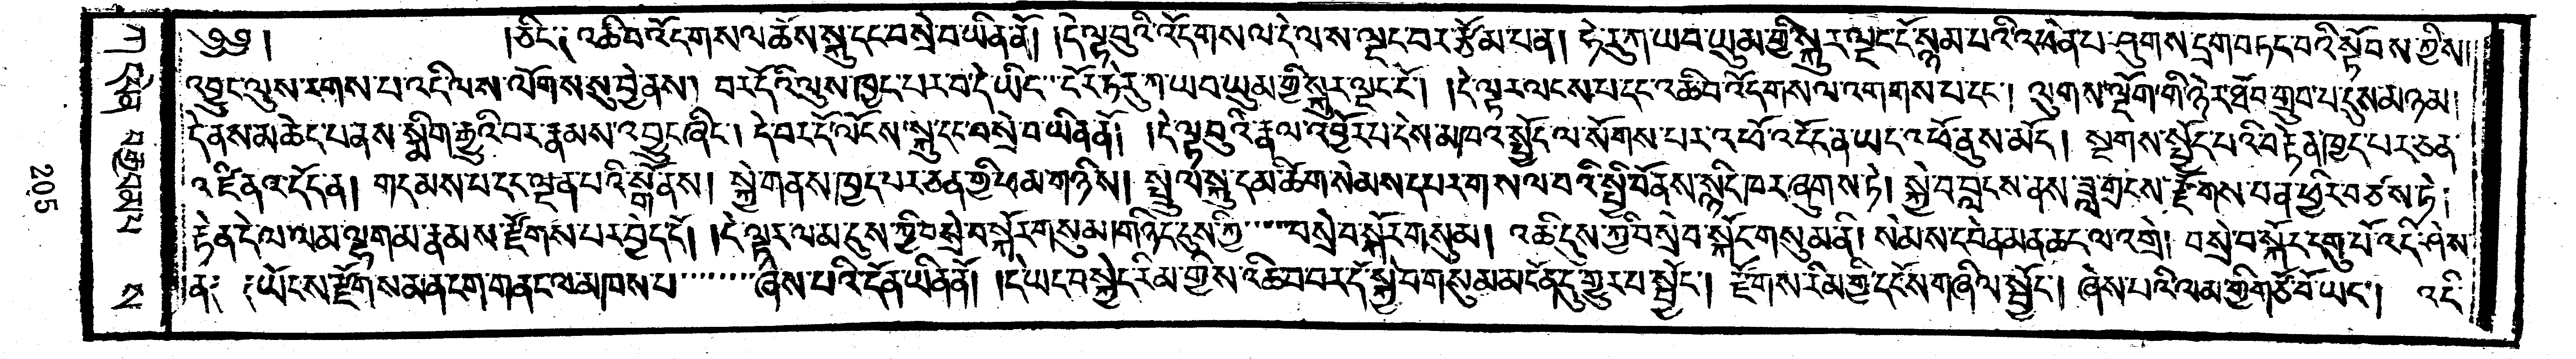༄༅། །ཅིང༑ འཆི་བ་འོད་གསལ་ཆོས་སྐུ་དང་བསྲེ་བ་ཡིན་ནོ། །དེ་ལྟ་བུའི་འོད་གསལ་དེ་ལས་ལྡང་བར་རྩོམ་པ་ན། ཧེ་རུ་ཀ་ཡབ་ཡུམ་གྱི་སྐུར་ལྡང་ངོ་སྙམ་པའི་འཕེན་པ་ཤུགས་དྲག་བཏང་བའི་སྟོབས་ཀྱིས།
འབྱུང་ལུས་རགས་པ་འདི་ལས་ལོགས་སུ་བྱེ་ནས། བར་དོའི་ལུས་ཁྱད་པར་བ་དེ་ཡིད་ངོར་ཧེ་རུ་ཀ་ཡབ་ཡུམ་གྱི་སྐུར་ལྡང་ངོ། །དེ་ལྟར་ལངས་པ་དང་འཆི་བ་འོད་གསལ་འགགས་པ་དང་། ལུགས་ལྡོག་གི་ཉེར་ཐོབ་གྲུབ་པ་དུས་མཉམ།
དེ་ནས་མཆེད་པ་ནས་སྨིག་རྒྱུའི་བར་རྣམས་འབྱུང་ཞིང་། དེ་བར་དོ་ལོངས་སྐུ་དང་བསྲེ་བ་ཡིན་ནོ། །དེ་ལྟ་བུའི་རྣལ་འབྱོར་པ་དེས་མཁའ་སྤྱོད་ལ་སོགས་པར་འཕོ་འདོད་ན་ཡང་འཕོ་ནུས་མོད། སྔགས་སྤྱོད་པའི་བརྟེན་ཁྱད་པར་ཅན་
འཛིན་འདོད་ན། གདམས་པ་དང་ལྡན་པའི་སྒོ་ནས། སྐྱེ་གནས་ཁྱད་པར་ཅན་གྱི་ཕམ་གཉིས། སྤྲུལ་སྐུ་དམ་ཚིག་སེམས་དཔར་གསལ་བའི་སྤྱི་བོ་ནས་སྙིང་ཁར་ཞུགས་ཏེ། སྐྱེ་བ་བླངས་ནས་ཟླ་གྲངས་རྫོགས་པ་ན་ཕྱིར་བཙས་ཏེ།
རྟེན་དེ་ལ་ལམ་ལྷག་མ་རྣམས་རྫོགས་པར་བྱེད་དོ། །དེ་ལྟར་ལམ་དུས་ཀྱི་བསྲེ་བསྐོར་གསུམ། གཉིད་དུས་ཀྱི་བསྲེ་བ་སྐོར་གསུམ། འཆི་དུས་ཀྱི་བསྲེ་བ་སྐོང་གསུམ་ནི། སེམས་དབེན་མན་ཆད་ལ་འགྲེ། བསྲེ་བ་སྐོར་དགུ་པོ་འདི་ཤེས་
ན༑ ༑ཡོངས་རྫོགས་མན་ངག་གནང་ལ་མཁས་པ་ཞེས་པའི་དོན་ཡིན་ནོ། །དེ་ཡང་བསྐྱེད་རིམ་གྱིས་འཆི་བ་བར་དོ་སྐྱེ་བ་གསུམ་མངོན་དུ་གྱུར་པ་སྦྱོང་། རྫོགས་རིམ་གྱི་དངོས་གཞིལ་སྦྱོང་། ཞེས་པའི་ལམ་གྱི་གཙོ་བོ་ཡང་། འདི་